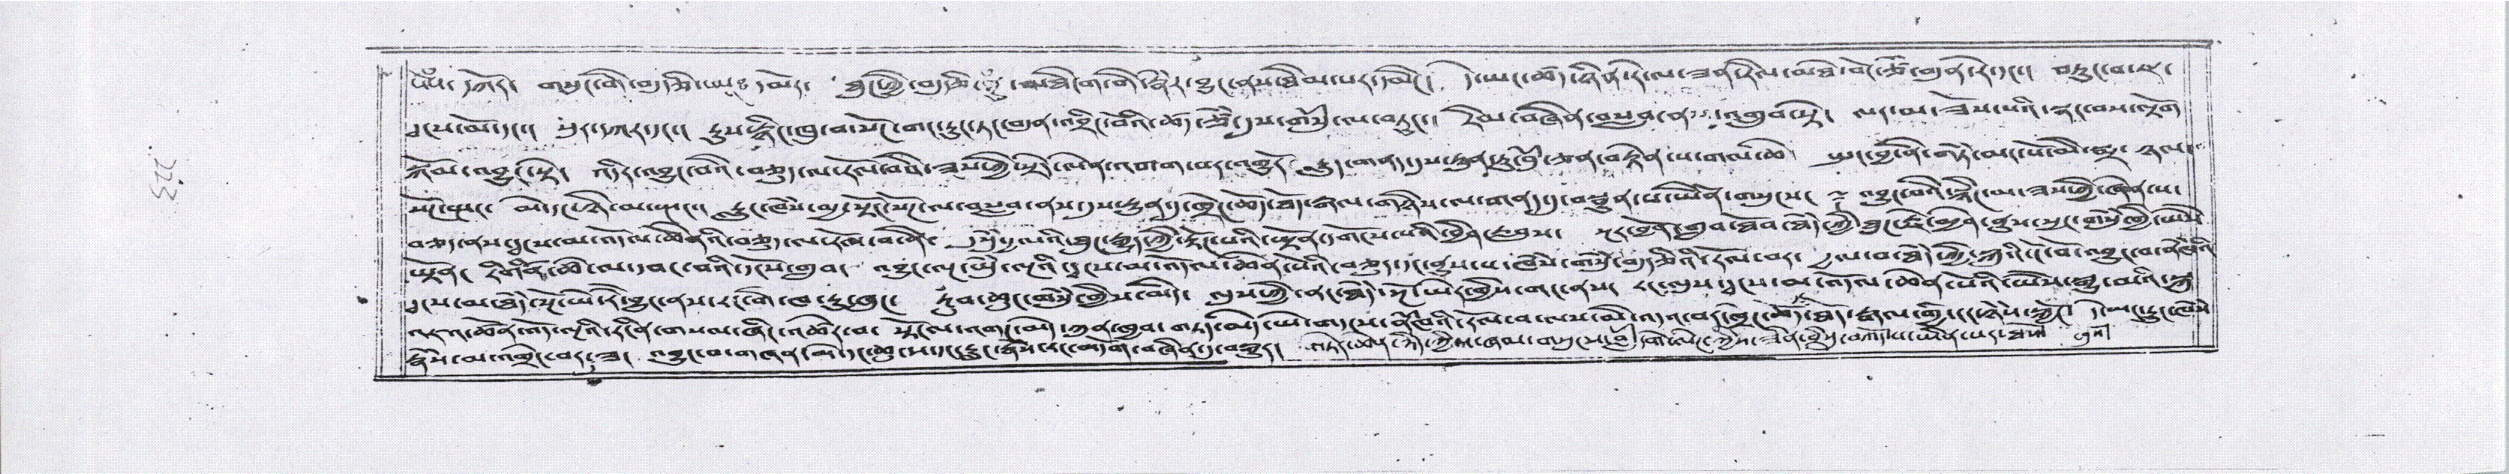ཨོཾ་དཀར་པོ། གསུང་གི་བདུད་རྩི་ཨཱཿདམར་པོ། ཐུགས་ཀྱི་བདུད་རྩི་ཧཱུཾ་མཐིང་ནག་གི་རྣམ་པར་བྱུང་ནས་ཐིམ་པར་དམིགས། དེ་ཡང་ཚད་ཉིན་རེ་ལ་ཟན་རིལ་མཐེ་བོང་ཙམ་ཀུན་རེ་དང། བཏུང་བ་ན་
དྭངས་མོ་དང། སུར་དཀར་དང། རུས་རྙིང་ཁུ་བ་སོགས་གང་རུང་བཏང་བདུན་འབྲིང་པོའི་ཚད་ཙམ་དུས་གསུམ་ལ་བཏང། རིམ་བཞིན་བསླབ་ནས་འགྲུབ་སྟེ། ལར་མ་ཟོས་པའི་སྣང་བས་ལྟོག་
སྐོམ་འབྱུང་སྟེ། འདིར་འབྱུང་བའི་བཅུད་ལ་རོལ་བའི་ཟས་ཀྱི་སྲེད་ལེན་འགག་པར་འགྱུར་རོ། རླུང་གནས་དུས་རྒྱུན་ཏུ་བུམ་ཅན་བརྟེན་པ་གལ་ཆེ། སྤང་བྱ་ནི་གཏམ་མང་པོ་མི་སྨྲ། ཉལ་
སོགས་སྤང། མེ་དང་ཉི་མ་སྤངས། རླུང་ཁམས་མྱ་སྟོང་སོགས་ལ་བསླབ་ནས་དུས་རྒྱུན་དུ་ཁྲེགས་ཆོད་ཐོད་རྒལ་གཉིས་ལ་གནད་དུ་བསྣུན་པ་ཡིན་ནོ་གསུངས། ༑ འབྱུང་བའི་སྙིགས་མ་ཟས་ཀྱི་ཞེན་པ་
བཅད་ནས་དྭངས་མ་འོད་ལ་ཆེན་པོའི་བཅུད་ལ་རོལ་བ་ནི། དུས་གསུམ་རྒྱལ་བའི་ཐུགས་རྒྱུད་ཀྱི་རྟོགས་པའི་ཡོན་ཏན་དགོངས་པ་བྱིན་རླབས། སྔར་བྱོན་གྲུབ་ཐོབ་ཐམས་ཅད་ཀྱི་ཐུགས་རྗེ་མཁྱེན་ནུས་གསང་གསུམ་གྱི་ཡེ་ཤེས་
ཡོན་ཏན། རིག་འཛིན་ཚེ་ལ་དབང་བའི་དངོས་གྲུབ། འབྱུང་ལྔ་ཡུམ་ལྔའི་དྭངས་མ་འདོལ་ཚེན་པོའི་བཅུད་དང་ནུས་པ་ཁམས་གསུམ་བདུད་རྩིའི་རོལ་བར་རྒྱལ་བ་ཐམས་ཅད་ཀྱི་སྐུའི་ངོ་བོ་འབྱུང་བ་ནམ་མཁའི་
དྭངས་མ་ཐམས་ཅད་སྔོ་ཡེ་རེ་རེ་བྱུང་ནས་རང་གི་ཁ་རུ་ཞུགས། རྔུབ་ཆུང་གསུམ་གྱིས་མིད། ལུས་ཀྱི་ནང་ཐམས་ཅད་སྔོ་ཡེར་གྱིས་གང་ནས། རང་ལུས་དྭངས་མ་འདོལ་ཆེན་པོའི་ཡེ་ཤེས་སྒྱུ་མའི་སྐུ་
འཇའ་ཚོན་འོད་ལྔའི་རང་བཞིན་གསལ་ཞིང་འཚེར་བ། སྟོང་པ་འགགས་མེད་ཀུན་ཁྱབ་གཏད་མེད་ཡེ་གདངས་ནམ་མཁའི་རོལ་བ་ལས་མི་འདའ་བར་ཁྲེགས་ཆོད་ཐོད་རྒལ་གྱི་ངང་ཉམས་སྐྱོང། དེ་ཡང་རླུང་ཁམས་
རྣམས་མ་འགྲེང་བར་ཟ། འབྱུང་བ་གཞན་མེ་དང་ཆུ་ས་དང་རླུང་རྣམས་རང་མདོག་བཞིན་དུ་བསྒྱུར། གཏེར་ཆེན་ཉིད་ཀྱིས་ཞལ་གསུངས་བླ་མ་དགེ་ལེགས་ཀྱིས་ཟིན་བྲིས་སུ་བཀོད་པ་ཡིན་པར་ཐོས། ཞུས་སོ།